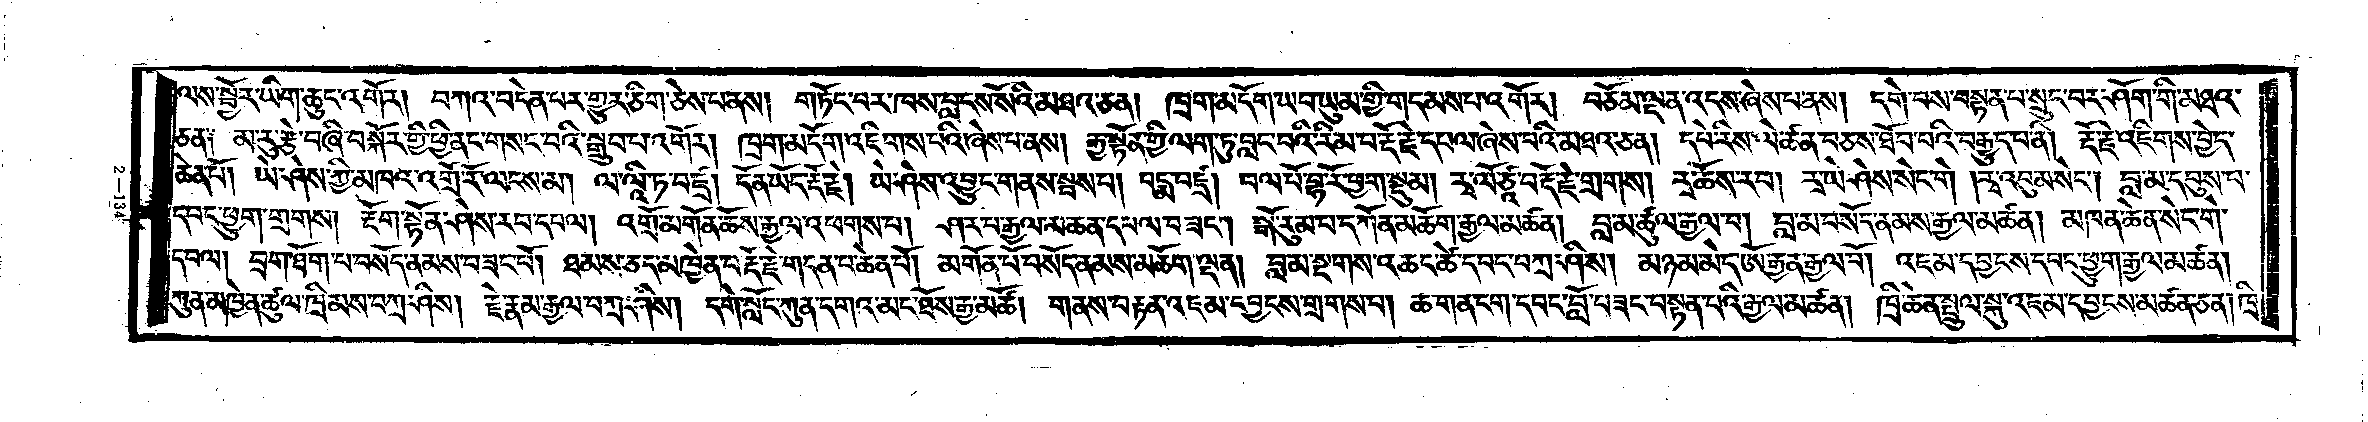ལས་སྦྱོར་ཡིག་ཆུང་འགོར། བཀའ་བདེན་པར་གྱུར་ཅིག་ཅེས་པ་ནས། གཏོང་བར་ཁས་བླངས་སོའི་མཐའ་ཅན། ཁྲག་མདོག་ཡབ་ཡུམ་གྱི་གདམས་པ་འགོར། བཅོམ་ལྡན་འདས་ཞེས་པ་ནས། དགེ་བས་བསྟན་པ་སྲུང་བར་ཤོག་གི་མཐའ་
ཅན༑ མ་རུ་རྩེ་བཞི་བསྐོར་གྱི་ཕྱི་ནང་གསང་བའི་སྒྲུབ་པ་འགོར། ཁྲག་མདོག་འཇིགས་པའི་ཞེས་པ་ནས། རྒྱ་སྟོན་གྱི་ལག་ཏུ་བླང་བའི་རིམ་པ་རྡོ་རྗེ་དཔལ་ཞེས་པའི་མཐའ་ཅན། དཔེ་རིས་ལེ་ཚན་བཅས་ཐོབ་པའི་བརྒྱུད་པ་ནི། རྡོ་རྗེ་འཇིགས་བྱེད་
ཆེན་པོ། ཡེ་ཤེས་ཀྱི་མཁའ་འགྲོ་རོ་ལངས་མ། ལ་ལཱི་ཏ་བཛྲ། དོན་ཡོད་རྡོ་རྗེ། ཡེ་ཤེས་འབྱུང་གནས་སྦས་པ། པདམ་བཛྲ། བལ་པོ་བྷ་རོ་ཕྱག་སྡུམ། རྭ་ལོ་ཙཱ་བ་རྡོ་རྗེ་གྲགས། རྭ་ཆོས་རབ། རྭ་ཡེ་ཤེས་སེང་གེ། རྭ་འབུམ་སེང་། བླ་མ་དབུས་པ་
དབང་ཕྱུག་གྲགས། རྔོག་སྟོན་ཤེས་རབ་དཔལ། འགྲོ་མགོན་ཆོས་རྒྱལ་འཕགས་པ། ཤར་པ་རྒྱལ་མཆན་དཔལ་བཟང་། སྒོ་རུམ་པ་དཀོན་མཆོག་རྒྱལ་མཚན། བླ་མ་ཚུལ་རྒྱལ་པ། བླ་མ་བསོད་ནམས་རྒྱལ་མཚན། མཁན་ཆེན་སེང་གེ་
དཔལ། བྲག་ཐོག་པ་བསོད་ནམས་བཟང་པོ། ཐམས་ཅད་མཁྱེན་པ་རྡོ་རྗེ་གདན་པ་ཆེན་པོ། མགོན་པོ་བསོད་ནམས་མཆོག་ལྡན། བླ་མ་སྔགས་འཆང་ཚེ་དབང་བཀྲ་ཤིས། མཉམ་མེད་ཨོ་རྒྱན་རྒྱལ་པོ། འཇམ་དབྱངས་དབང་ཕྱུག་རྒྱལ་མཚན།
ཀུན་མཁྱེན་ཚུལ་ཁྲིམས་བཀྲ་ཤིས། རྗེ་རྣམ་རྒྱལ་བཀྲ་ཤིས། དགེ་སློང་ཀུན་དགའ་མང་ཐོས་རྒྱ་མཚོ། གནས་བརྟན་འཇམ་དབྱངས་གྲགས་པ། ཆ་གན་ངག་དབང་བློ་བཟང་བསྟན་པའི་རྒྱལ་མཚན། ཁྲི་ཆེན་སྤྲུལ་སྐུ་འཇམ་དབྱངས་མཚན་ཅན། ཁྲི་